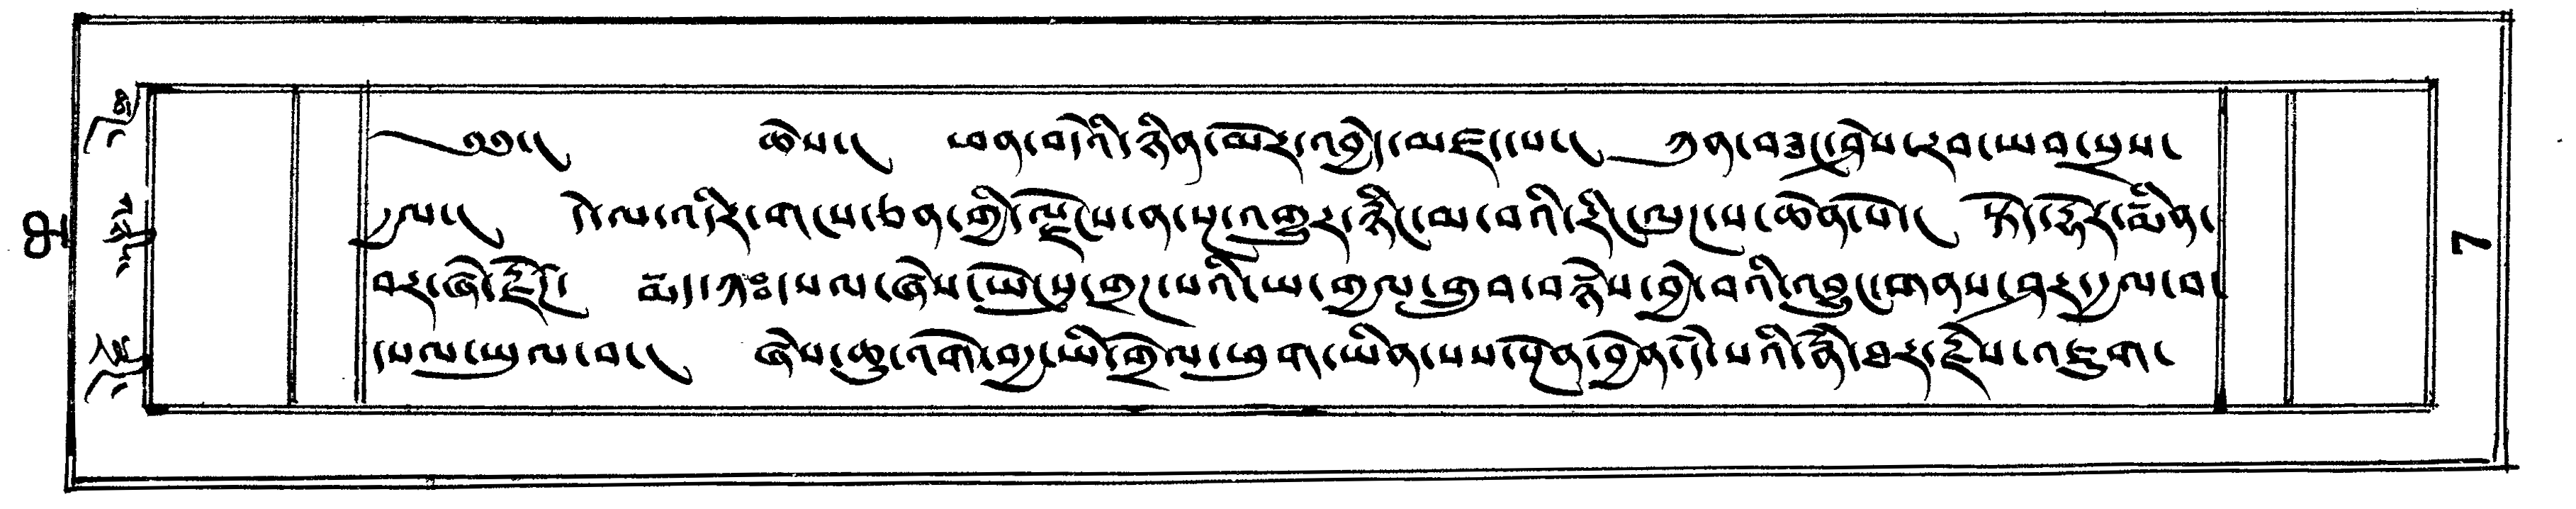ཆེས། །ཕན་བདེའི་ཉིན་མོར་འབྱེད་མཛད་པ། །ཀུན་བཟང་ཤེས་རབ་ཡབ་སྲས་
རྒྱལ། །དེ་ལ་འདིར་གངས་ཅན་གྱི་ལྗོངས་ན་སྔ་འགྱུར་རྙིང་མ་བའི་རིང་ལུགས་པ་ཆེན་པོ། སྟོད་རྡོར་སྨིན། 
བར་ཞེ་རྫོགས། སྨད་ཀཿདཔལ་ཞེས་ཡོངས་སུ་གྲགས་པའི་ཡ་གྱལ་གྲུབ་བརྙེས་བྱེ་བའི་འབྱུང་གནས་ཤར་རྒྱལ་བ་
དཔལ་ཡུལ་བ་ ཞེས་ཆུ་འགོ་བརྒྱ་ཡི་གྲོལ་ཕུགས་ཡིན་པས་སྔོན་བྱོན་དམ་པའི་རྣམ་ཐར། རྗེས་འཇུག་